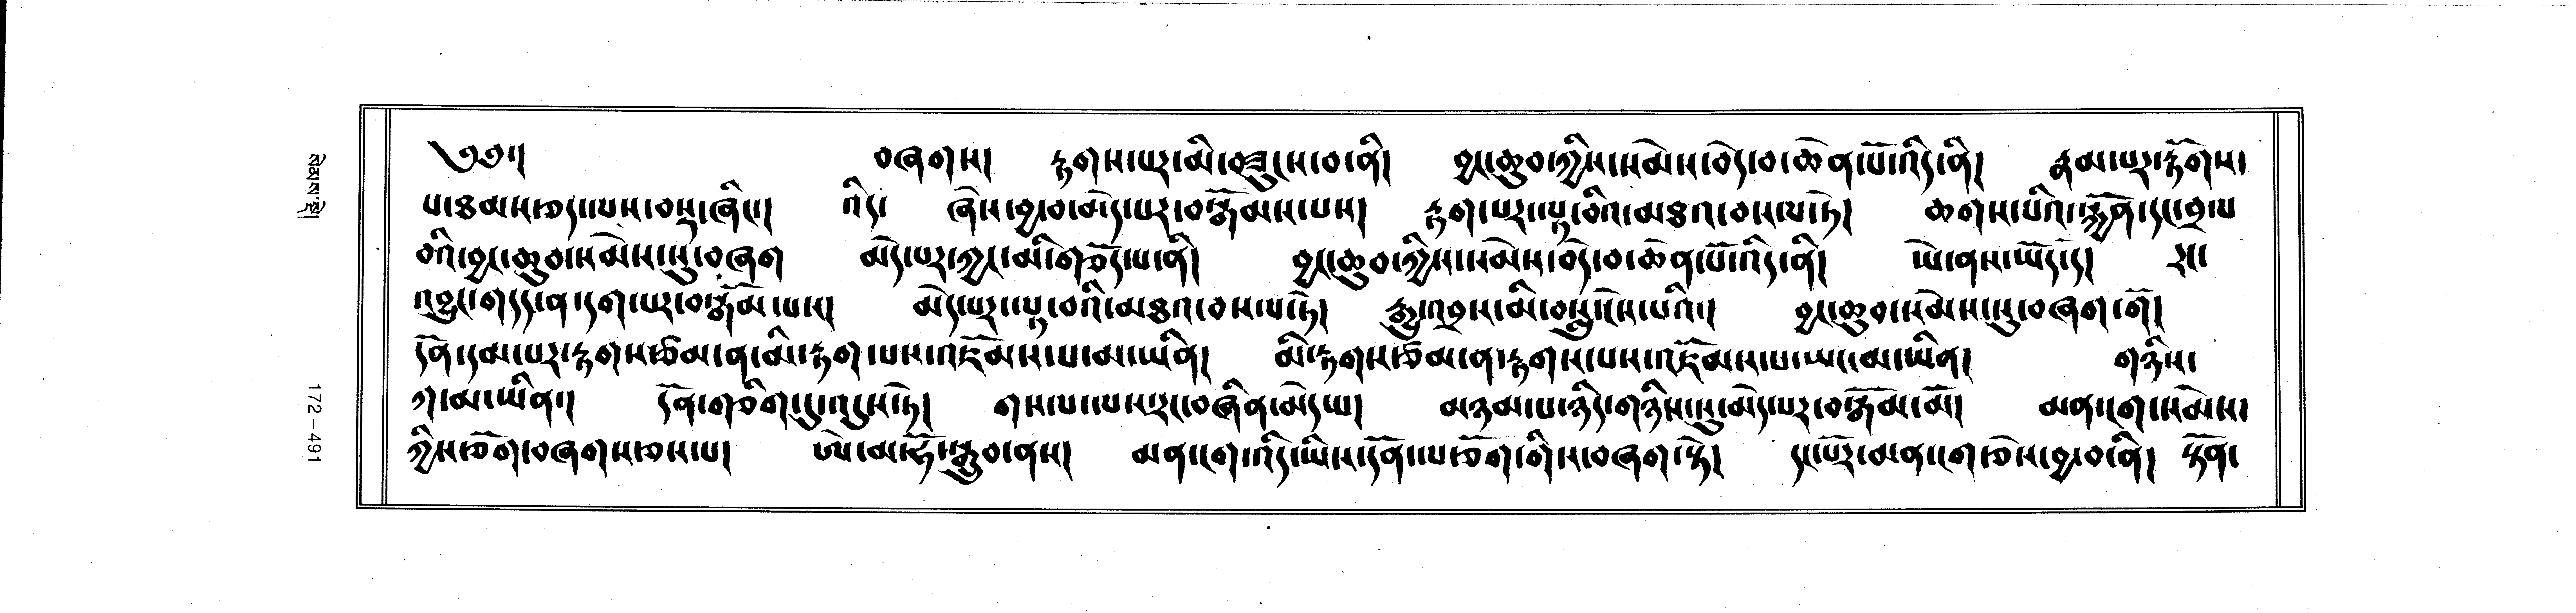བཞགས། རྟག་པར་མི་བཟུངས་བ་ནི། བྱང་ཆུབ་ཀྱིས་སེམས་བདེ་བ་ཆེན་པོ་འདི་ནི། རྣམ་པར་རྟོགས་
པ་ཐམས་ཅད་ལས་བསྡ་ཞིང་། འདི་ཞེས་བྱ་བ་མེད་པར་བསྒོམས་པས། རྟག་པར་ལྟ་བའི་མཐའ་བསལ་ཏེ། ཆགས་པའི་སྐྱོན་དང་བྲལ་
བའི་བྱང་ཆུབ་སེམས་སུ་བཞག མེད་པར་ཀྱང་མི་གཅོད་པ་ནི། བྱང་ཆུབ་ཀྱིས་སེམས་བདེ་བ་ཆེན་པོ་འདི་ནི། ཡེ་ནས་ཡོད་དོ། རང་
འབྱུང་གདོད་ན་དག་པར་བསྒོམས་པས། མེད་པར་ལྟ་བའི་མཐའ་བསལ་ཏེ། རྒྱུ་འབྲས་མི་བསླུ་ངེས་པའི། བྱང་ཆུབ་སེམས་སུ་བཞག་གོ། 
དོན་དམ་པར་རྟག་ཙམ་ན་མི་རྟག་པས་འཇོམས་པ་མ་ཡིན། མི་རྟག་ཙམ་ན་རྟག་པས་འཇོམས་པ་ཡང་མ་ཡིན། གཉིས་
ཀ་མ་ཡིན། དོན་གཅིག་དུ་འདུས་ཏེ། གསལ་ལས་རང་བཞིན་མེད་པ། མཉམ་པ་ཉིད་གཉིས་སུ་མེད་པར་བསྒོམ་མོ། མན་ངག་སེམས་
ཀྱིས་ཅོག་བཞགས་ཅེས་པ། ཨེ་མ་ཧོ་སྒྲུབ་ནས། མན་ངག་འདི་ཡིས་དོན་ལ་ཅོག་གིས་བཞག་སྟེ། དང་པོར་མན་ངག་ཅེས་བྱ་བ་ནི། སྟོན་